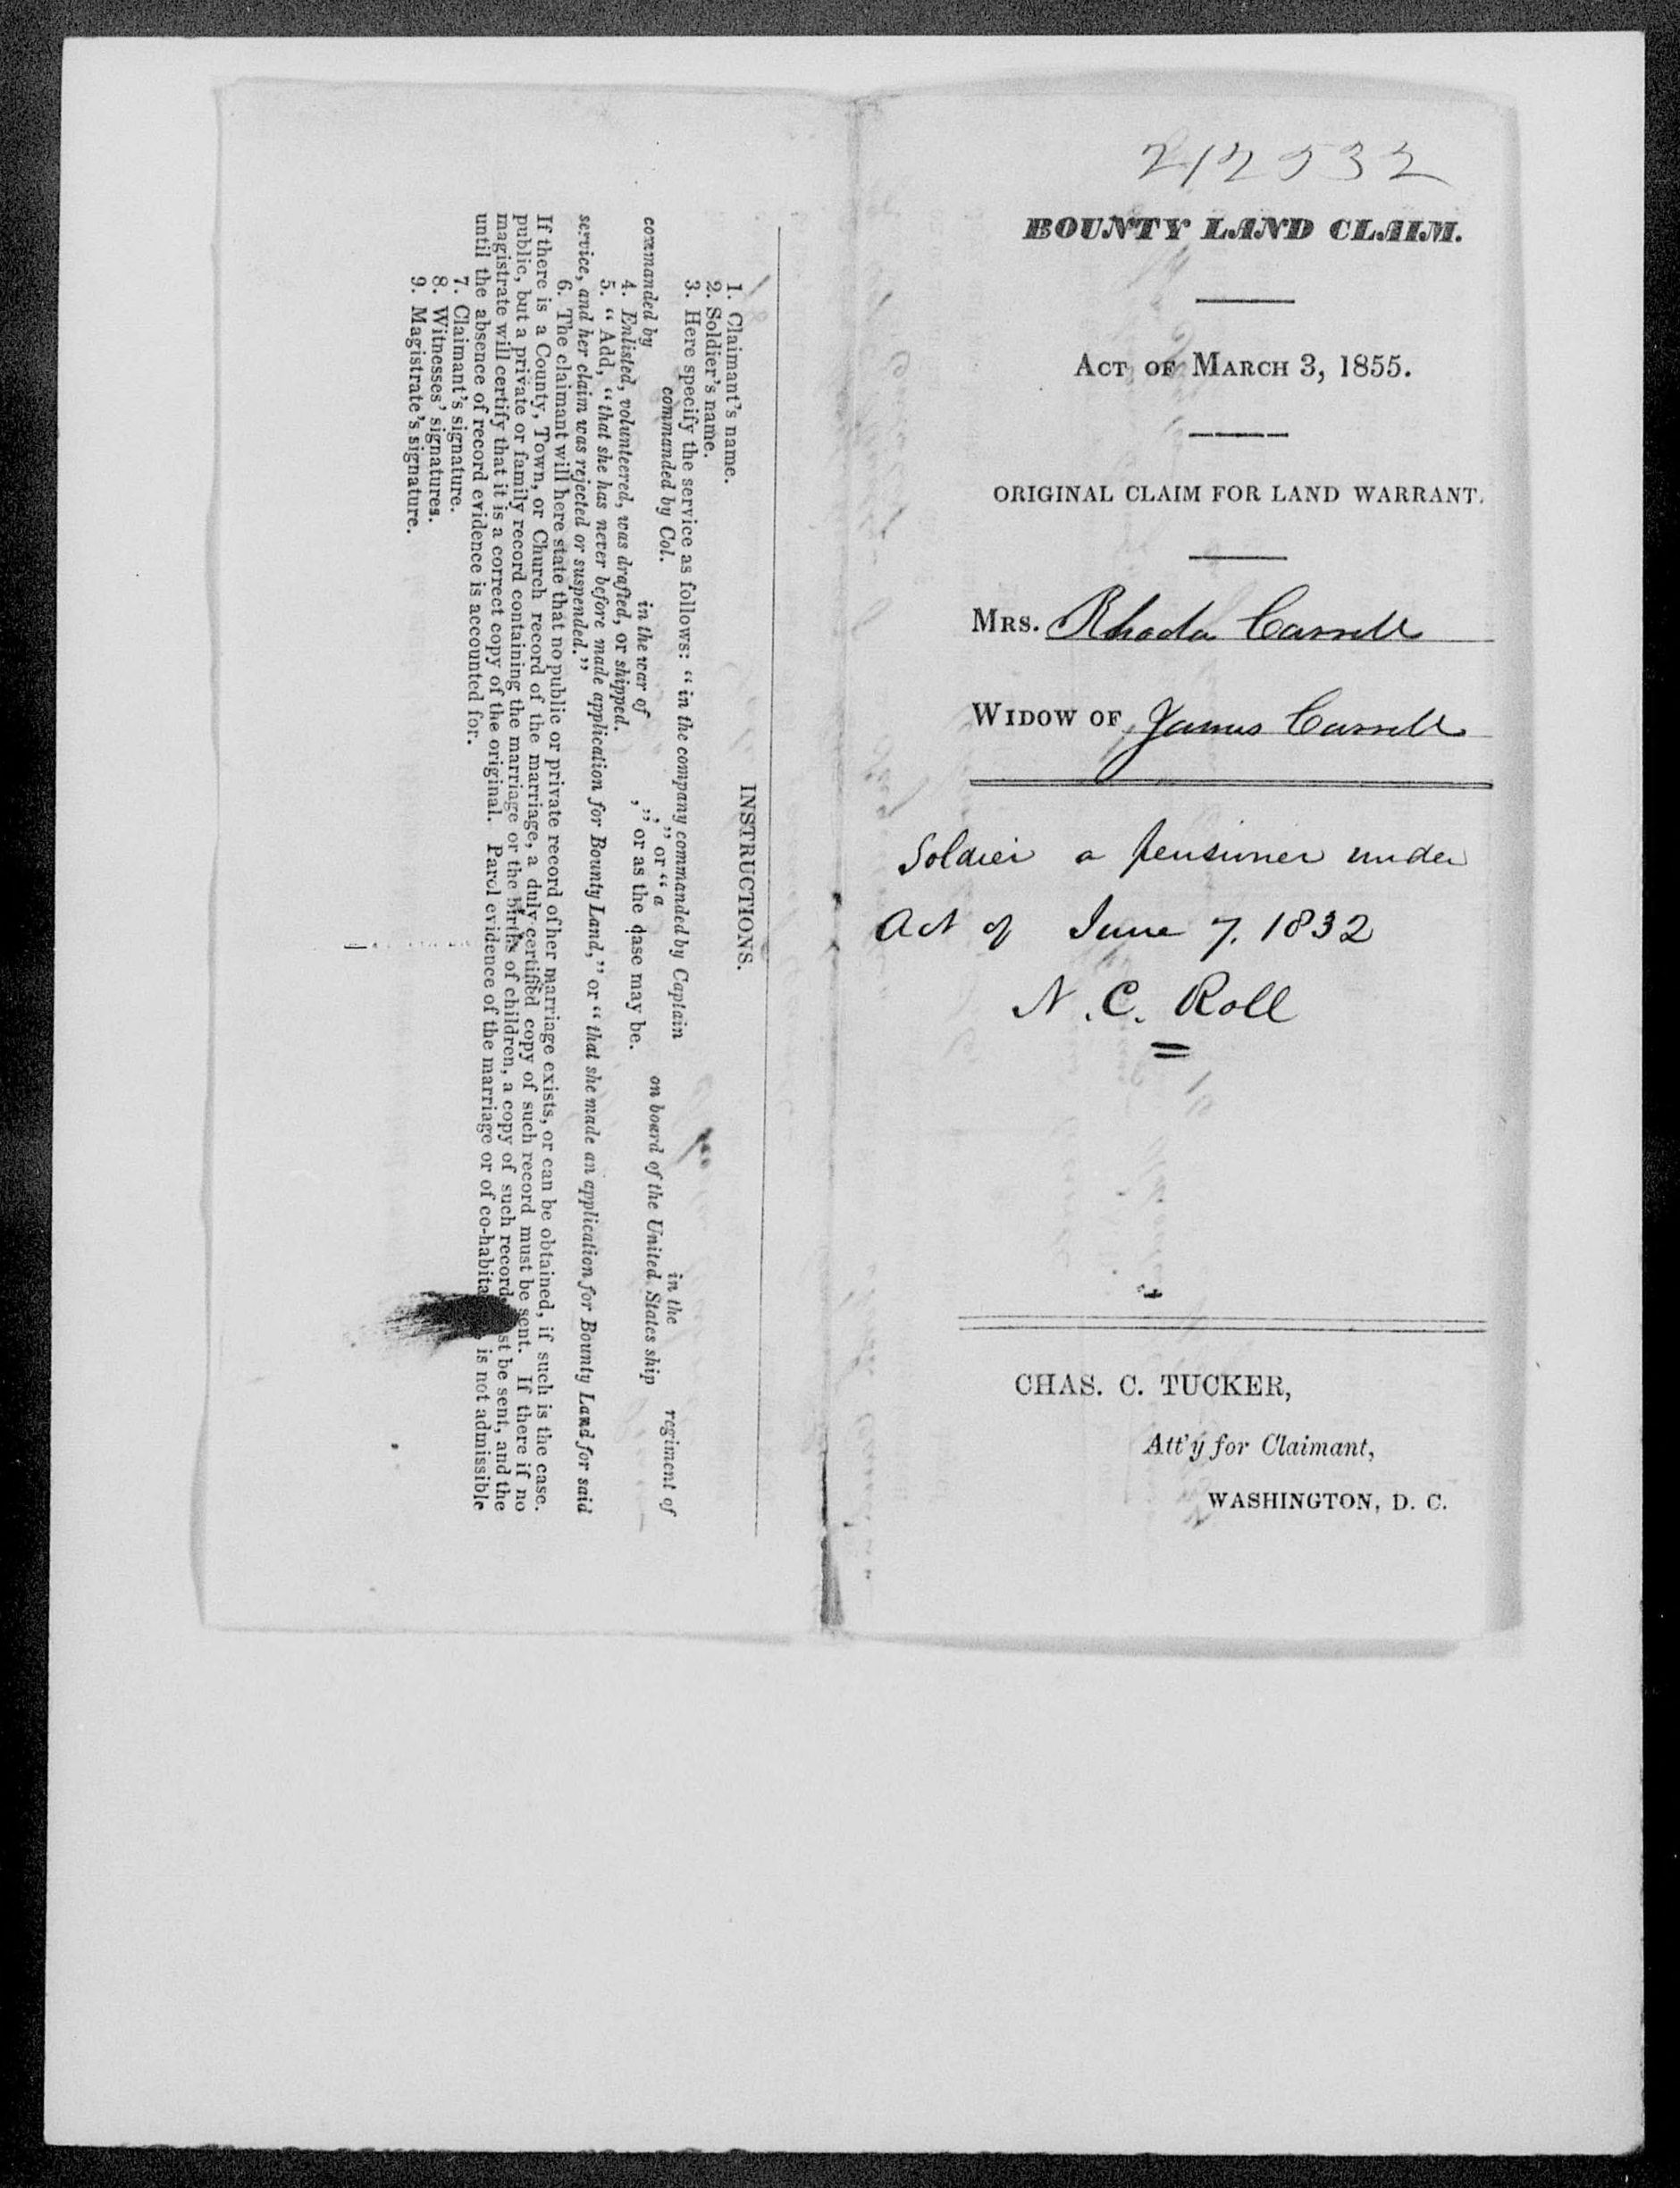[left side of page]

Instructions.

1. Claimant's name
2. Solider's name.
3. Here specify the service as follows: "in the company commanded by Captain....in the ....regiment of ... commanded by Col. .... " or "a ....on board of the United States ship .....commanded by .... in the war of ...," or as the case may be.
4. Enlisted, volunteered, was drafted, or shipped.
5. "Add, "that she has never before made application for Bounty Land, " or "that she made an application for Bounty Land for said service and her claim was rejected or suspended."
6. The claimant will here state that no public or private record of her marriage exists, or can be obtained, if such is the case. If there is a County , Town, or Church record of the marriage, a duly certified copy of such record must be sent. If there if no public, but a private or family record containing the marriage or the births of children, a copy of such records must be sent, and the magistrate will certify that it is a correct copy of the original. Parol evidence of the marriage or co-habitation is not admissible until the absence of record evidence is accounted for.
7. Claimant's signature
8. Witnesses' signature
9. Magistrate's signature

[right side of page]
212532
BOUNTY LAND CLAIM.

Act of March 3, 1855.

Original Claim for Land Warrant 

Mrs. Rhoda Carrell
Widow of James Carrell

Solider a pensioner under
Act of June 7, 1832
N.C. Roll

Chas. C. Tucker
Att'y for Claimant
Washington, D.C.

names: Rhoda Carrell, Chas C Tucker, James Carrell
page: 13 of 86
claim: widow's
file: W. 6899, James Carrell, N.C.